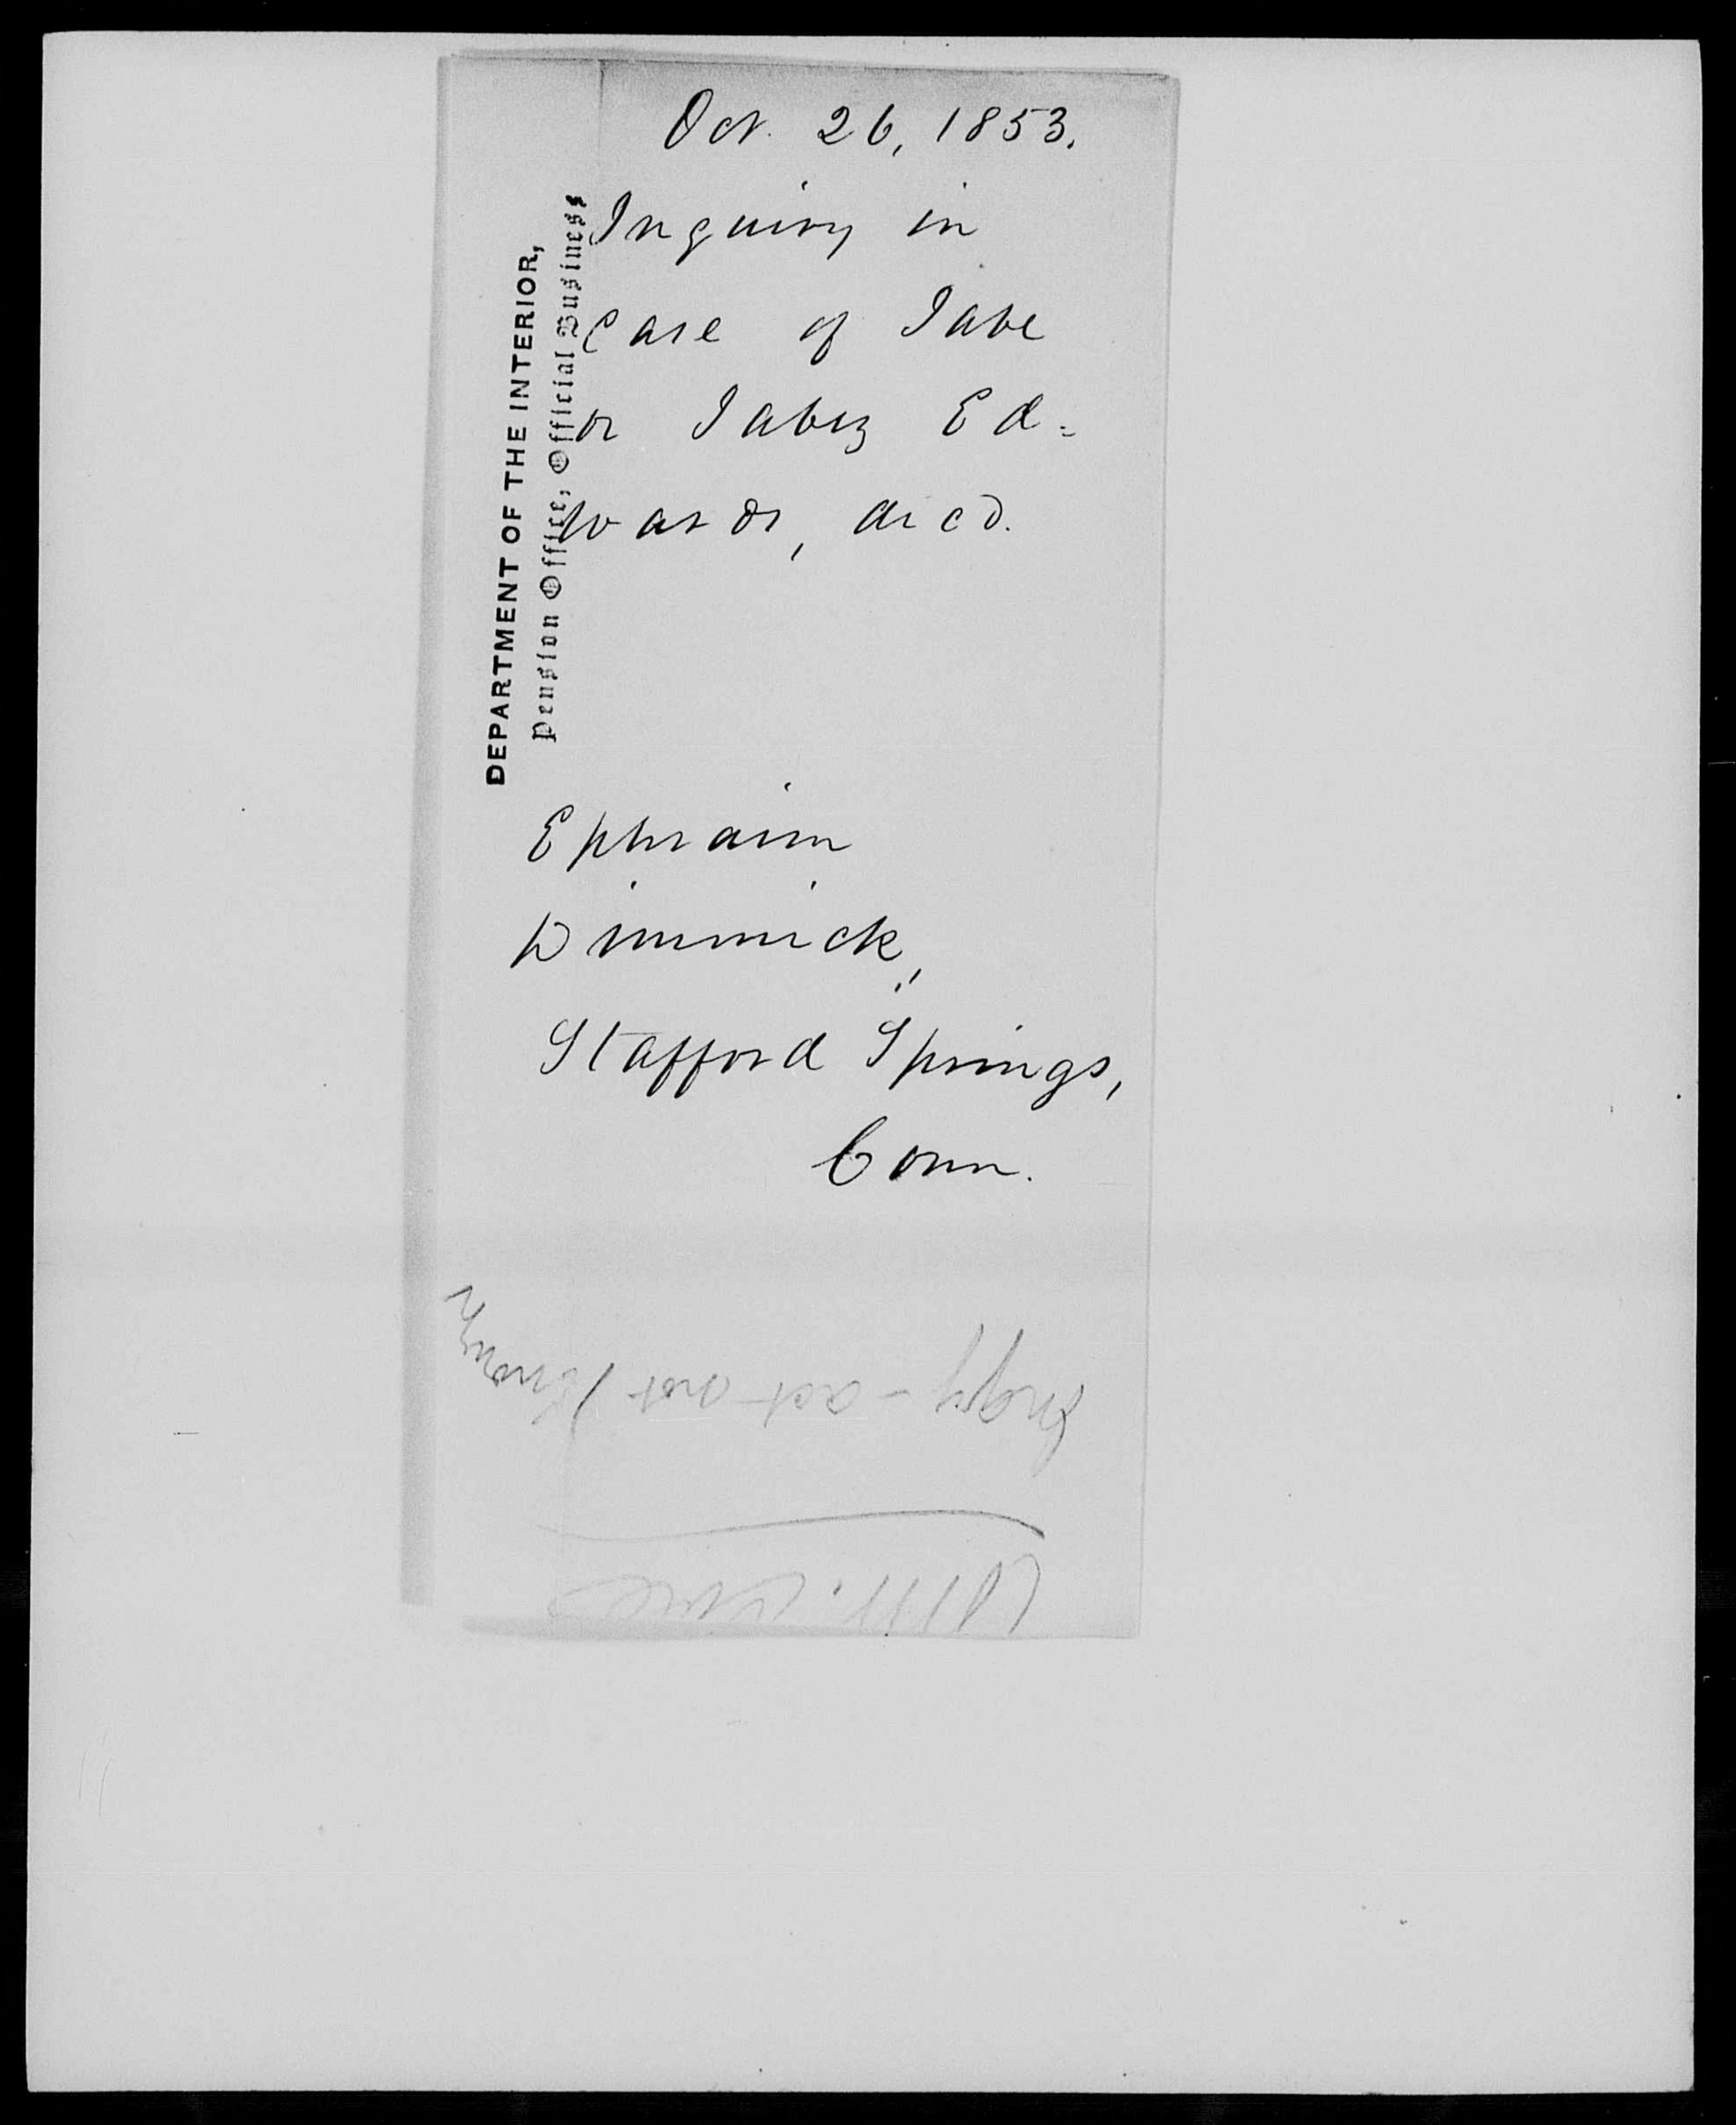DEPARTMENT OF THE INTERIOR,
Pension Office, Official Business

Oct. 26, 1853

Inquiry in case of Jabe or Jabez Edwards, [died?]

Ephraim Dimmick
Stafford Springs, Conn.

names: Jabe Edwards, Jabez Edwards, Ephraim Dimmick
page: 46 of 50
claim: survivor's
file: S 10607, Jabez Edwards, Conn.